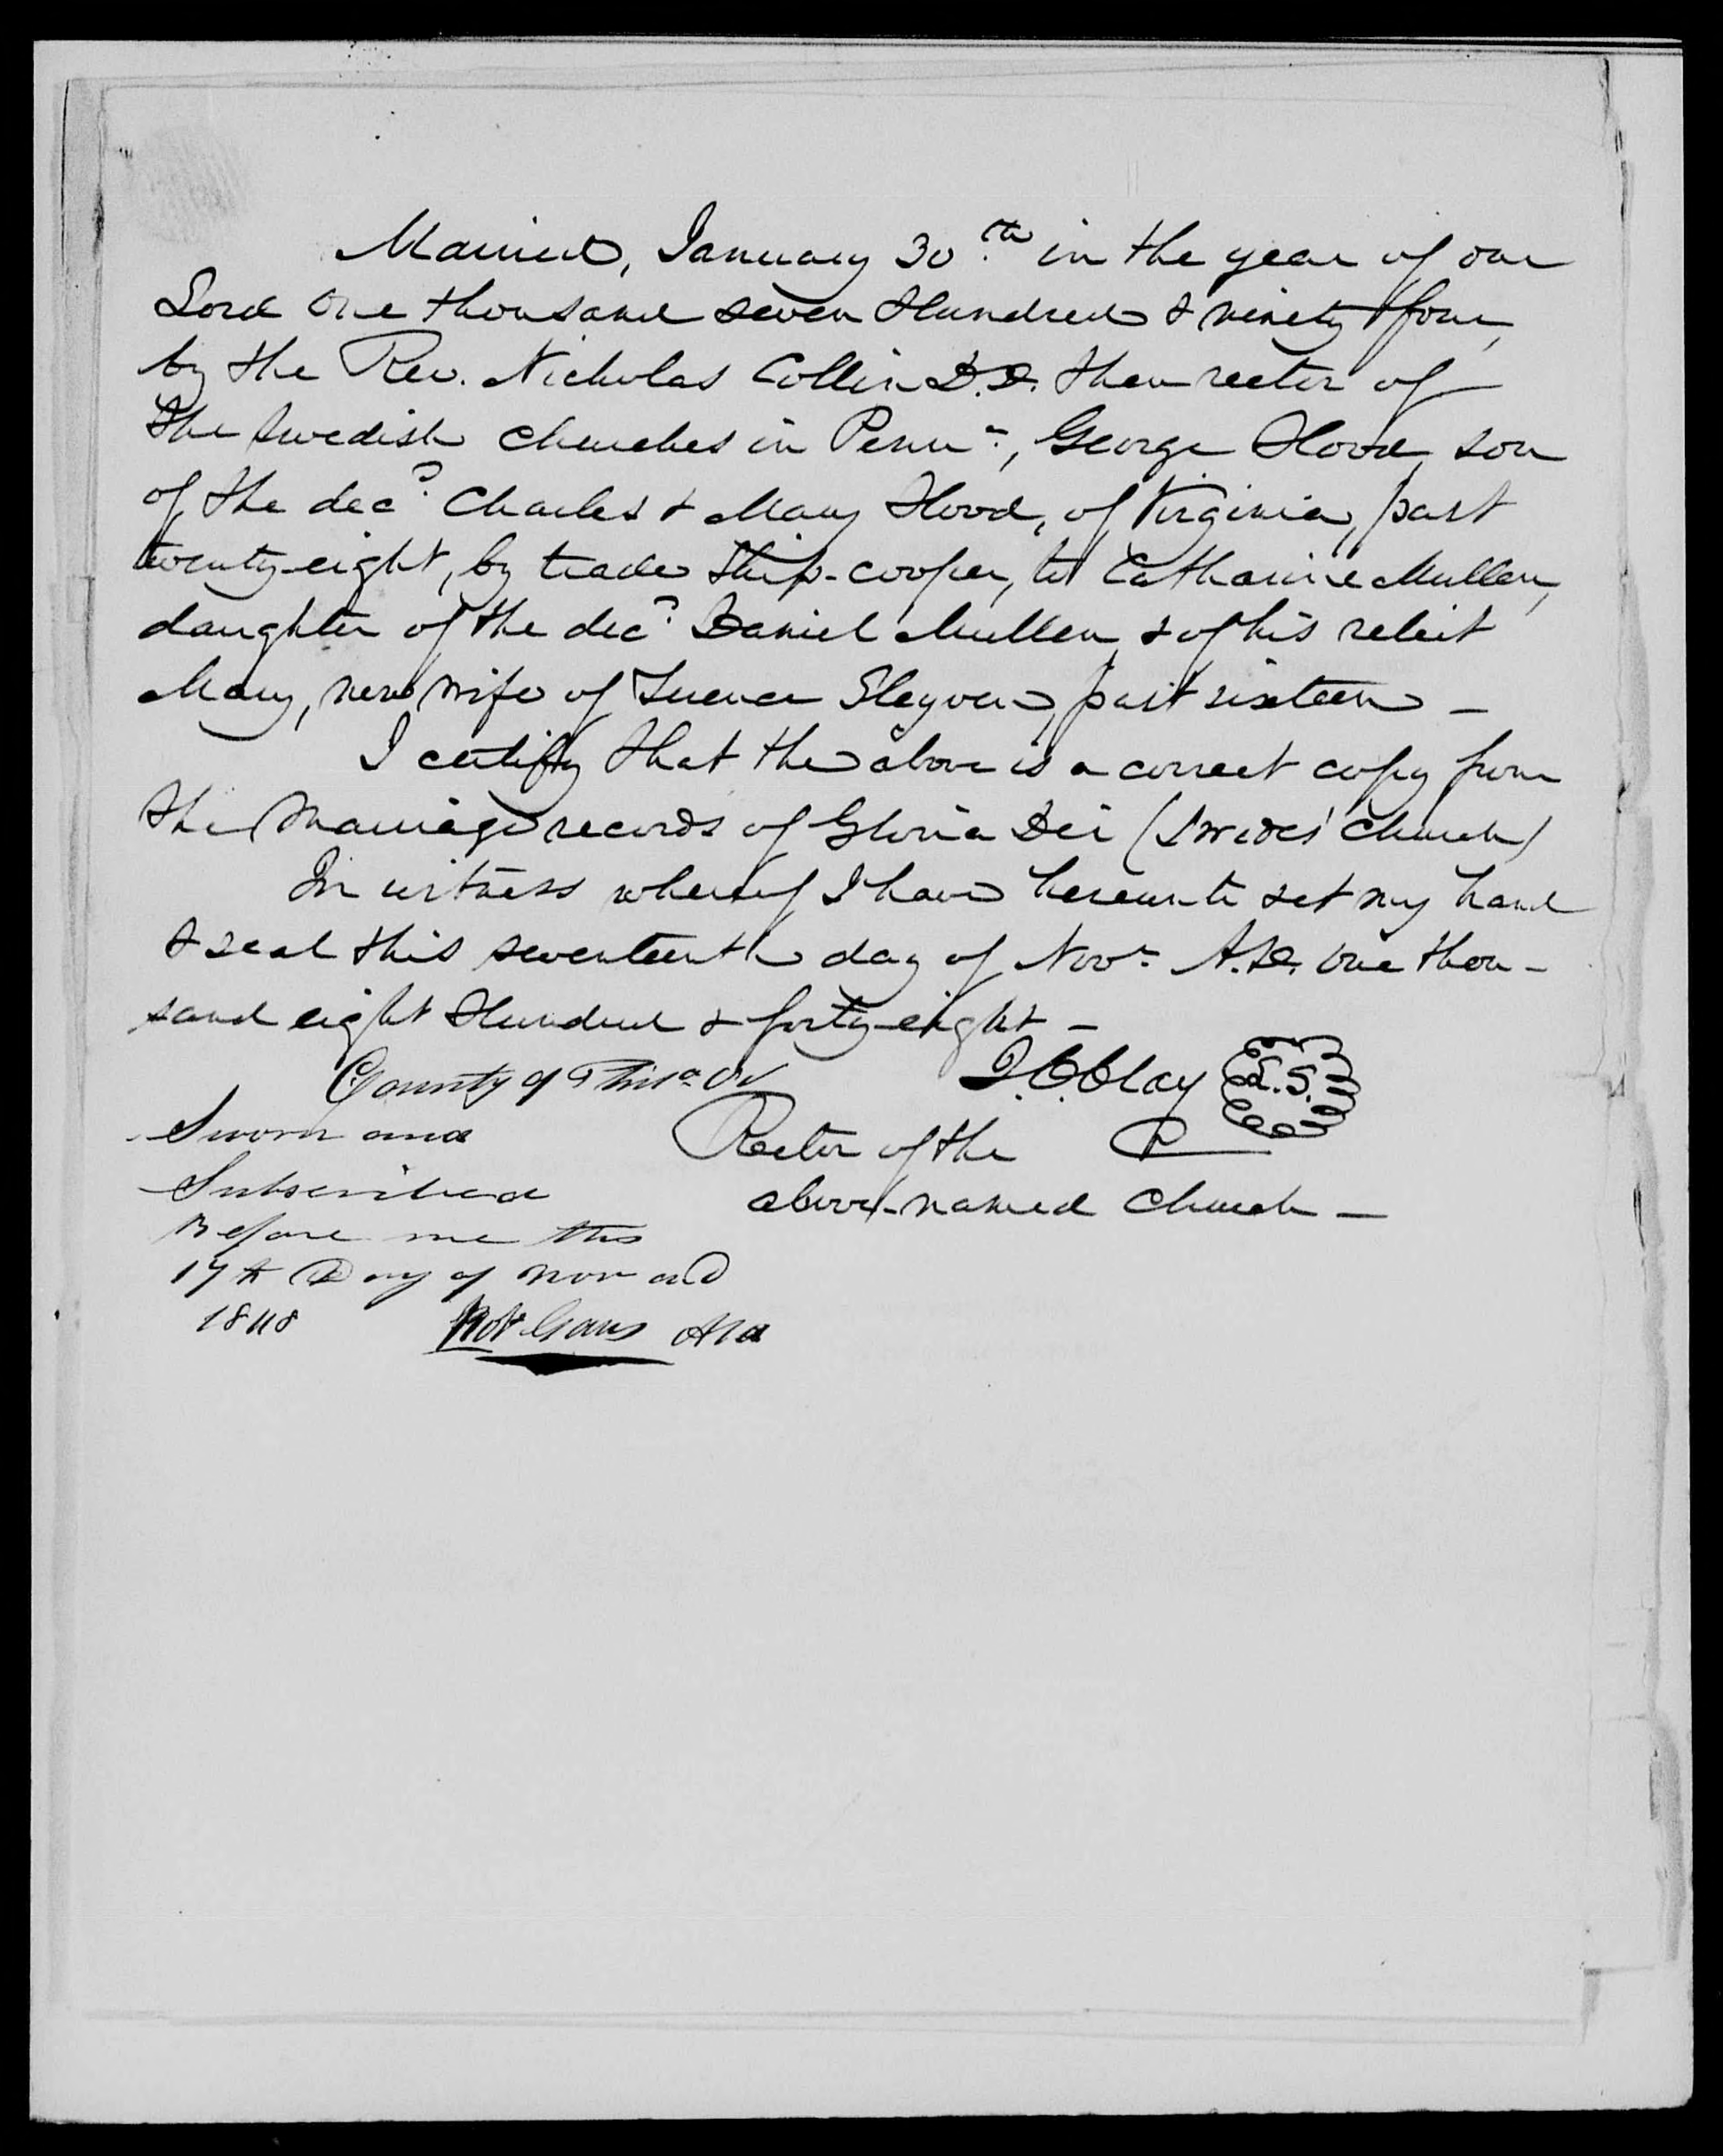Married, January 30th, in the year of our Lord one thousand seven hundred and ninety four, by the Rev. Nicholas Collins D.D. [Illegible] of the Swedish Churches in Pennsylvania, George Hood, son of the deceased Charles and May Hood, of Virginia, past twenty eight, by trade ship cooper, with Catharine Müller, daughter of the deceased Daniel Müller and of his relief  Mary, new wife of Turner Sleyven, past sixteen. 

I certify that the above is a correct copy from the marriage records of Gloria Dei (bride’s church).
In witness whereof, I have hereunto set my hand and seal this seventeenth day of November A.D. one thousand eight hundred and forty eight. 
County of Philadelphia		

J. C. Clay 

Reverend of the above-named church
Sworn and subscribed before this 17th day of  November 1848

Robert Ganz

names: Nicholas Collin, Mary Hood, Charles Hood, Mary, Rob Gans, J C Clay, Catharine Mullen, Terence Sleyven, George Hood, Daniel Mullen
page: 29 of 51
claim: widow's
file: W 8939, George Hood, Continental Va.